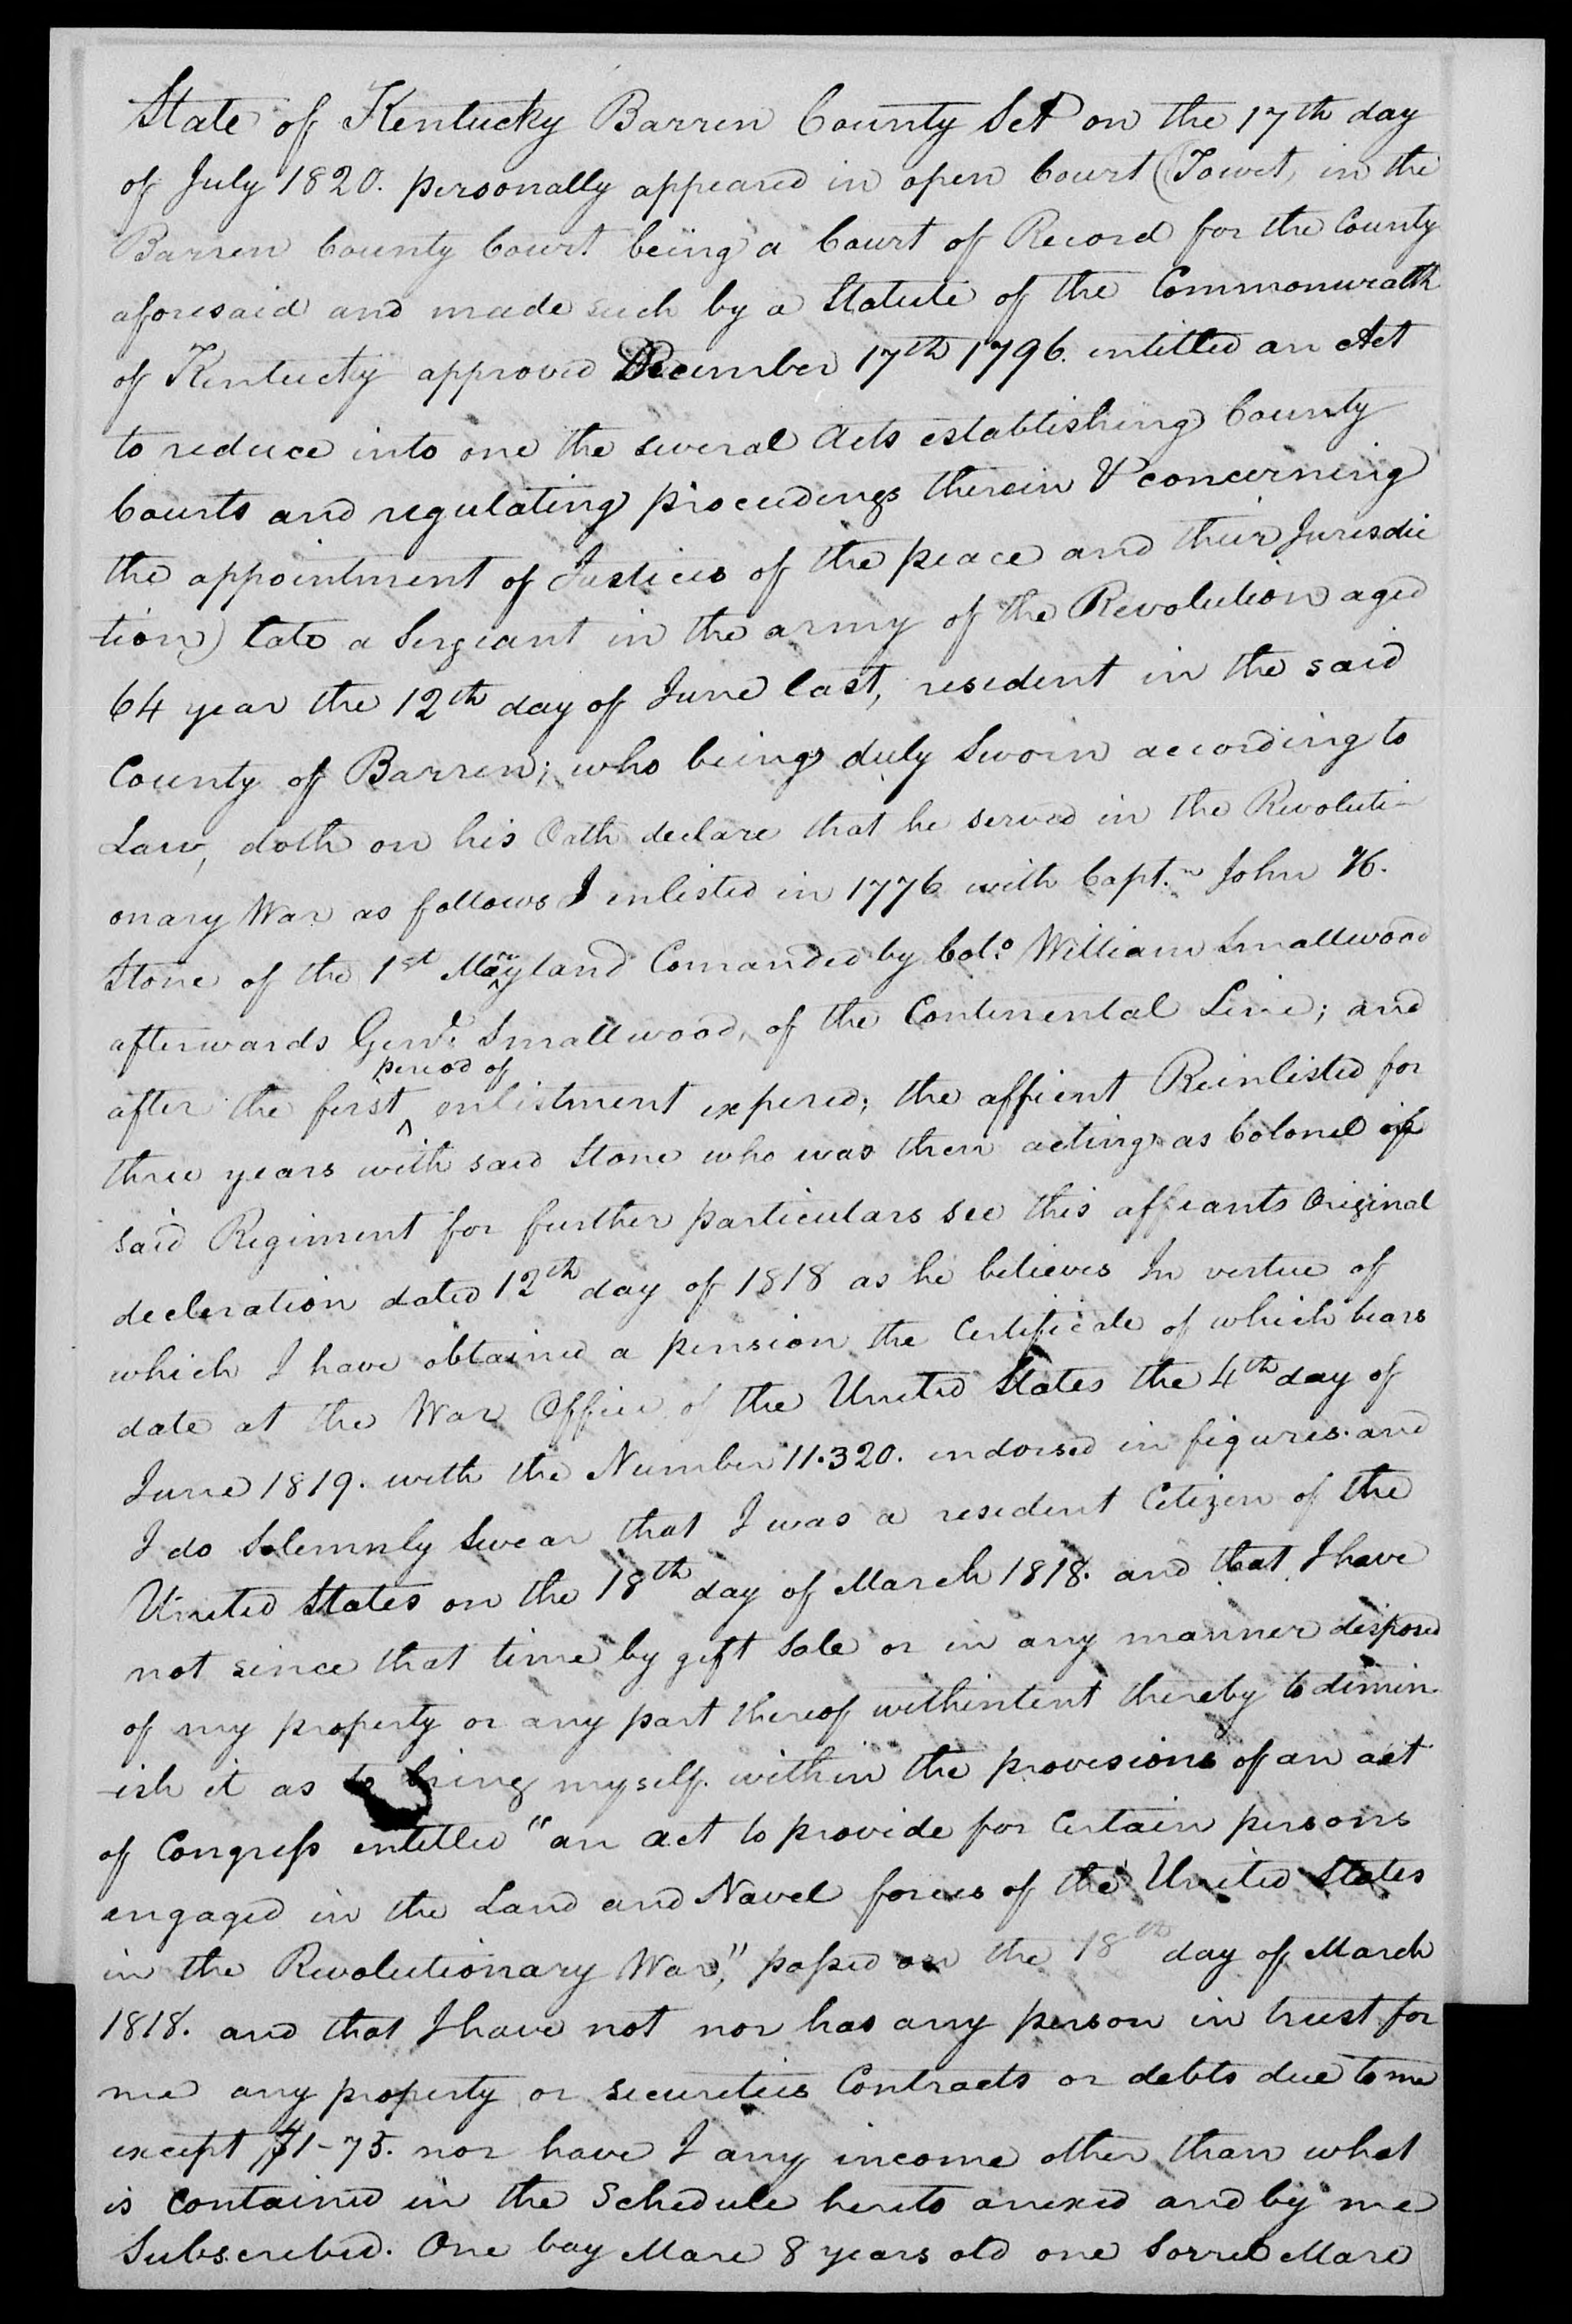State of Kentucky Barren County Set

On the 17th day of July 1820 personally appeared in open court (to wit in the Barren County Court being a court of record for the county aforesaid and made such by a statue of the commonwealth of Kentucky approved December 17th 1796 entitled an Act to reduce into one the several act establishing county courts and regulating proceedings therein & concerning the appointment of Justices of the Peace and their jurisdictions) late a sergeant in the army of the Revolution aged 64 years the 12th day of June last, resident in the said county of Barren; who being duly sworn according to law doth on his oath declare that he served in the revolutionary war as follows: I enlisted in 1776 with Capt. John H Stone of the 1st Maryland commanded by Col William Smallwood  afterwards Gen Smallwood of the Continental Line and after the first period of enlistment expired the affiant re-enlisted for three years with said Stone who was then acting as Colonel of said regiment for further particulars see this affiants original declaration dated 12th day of 1818 as he believes in virtue of which I have obtained a pension the certificate of which bears date at the War Office of the United States the 4th day of June 1819 with the number 11320 endorsed in figures and I do solemnly swear that I was a resident citizen of the United States on the 18th day of March 1818 and that I have not since that time by gift, sale or in any manner disposed of my property or any part thereof with intent thereby to diminish it as to bring myself within the provisions of an act of congress entitled "An act to provide for certain persons engaged in the land and naval forces of the United States in the Revolutionary War" passed on the 18th day of March 1818 and that I have not nor has any person in trust for me any property or securities contracts or debts due to me except $1.75 nor have I any income other than what is contained in the schedule hereto annexed and by me subscribed. One bay mare 8 years old, one sorrel mare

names: William Smallwood; John H Stone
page: 4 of 34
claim: survivor's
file: S. 36,051, for Samuel Luckett, Maryland